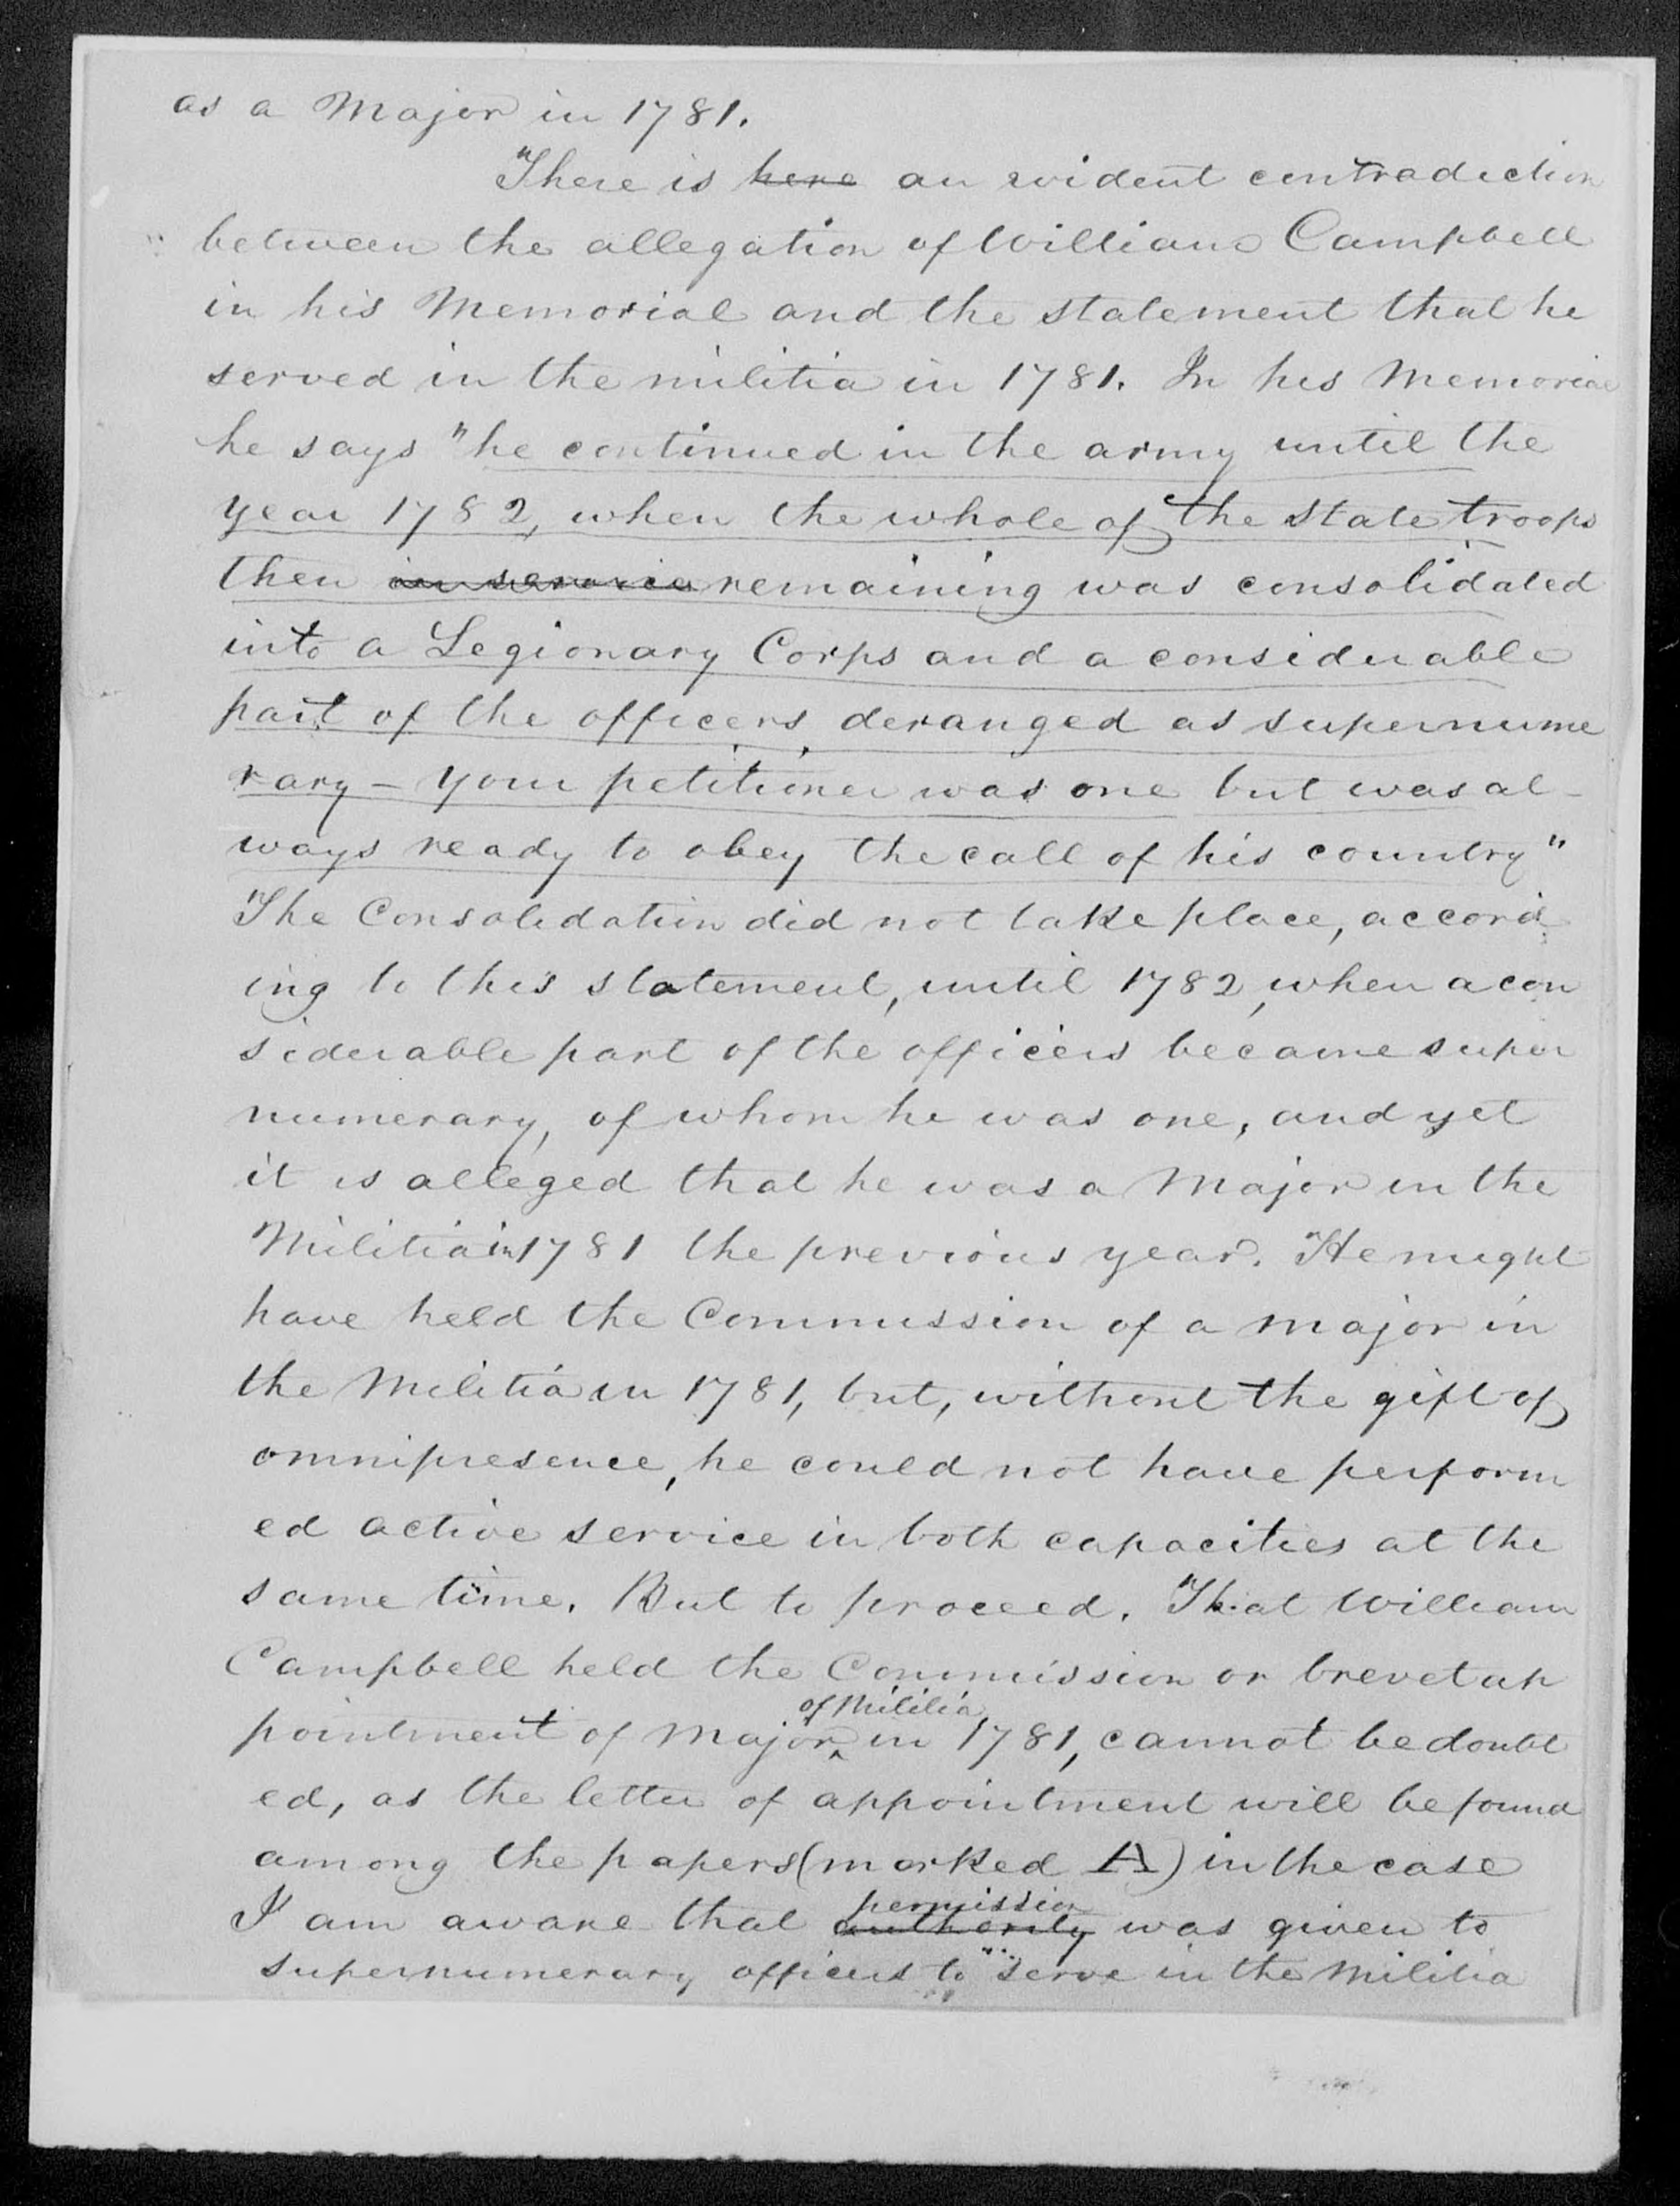as a Major in 1781.
There is here an evident contradiction between the allegation of William Campbell in his Memorial and the statement that he served in the militia in 1781. In his Memorial he says [begin underline]  "he continued in the army until the year 1782, when the whole of the State troops then [begin cross out] in service [end cross out] remaining was consolidated into a Legionary Corps and a considerable part of the officers deranged as supernumerary -- your petitioner was one but was always ready to obey the call of his country" [end underline]
The consolidation did not take place, according to this statement, until 1782, when a considerable part of the officers became supernumerary, of whom he was one, and yet it is alleged that he was a Major in the Militia in 1781 the previous year. He might have held the Commission of a major in the Militia in 1781, but, without the gift of omnipresence, he could not have performed active service in both capacities at the same time. But to proceed.  That William Campbell held the commission or brevet appointment of Major [insert] of the Militia [end insert] in 1781, cannot be doubted, as the letter of appointment will be found among the papers (marked A) in the case. I am aware that [cross out] authority [end cross out] permission was given to Supernumerary officers to serve in the Militia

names: William Campbell, William Campbell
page: 87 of 267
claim: widow's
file: W. 4,149, William Campbell, Va.